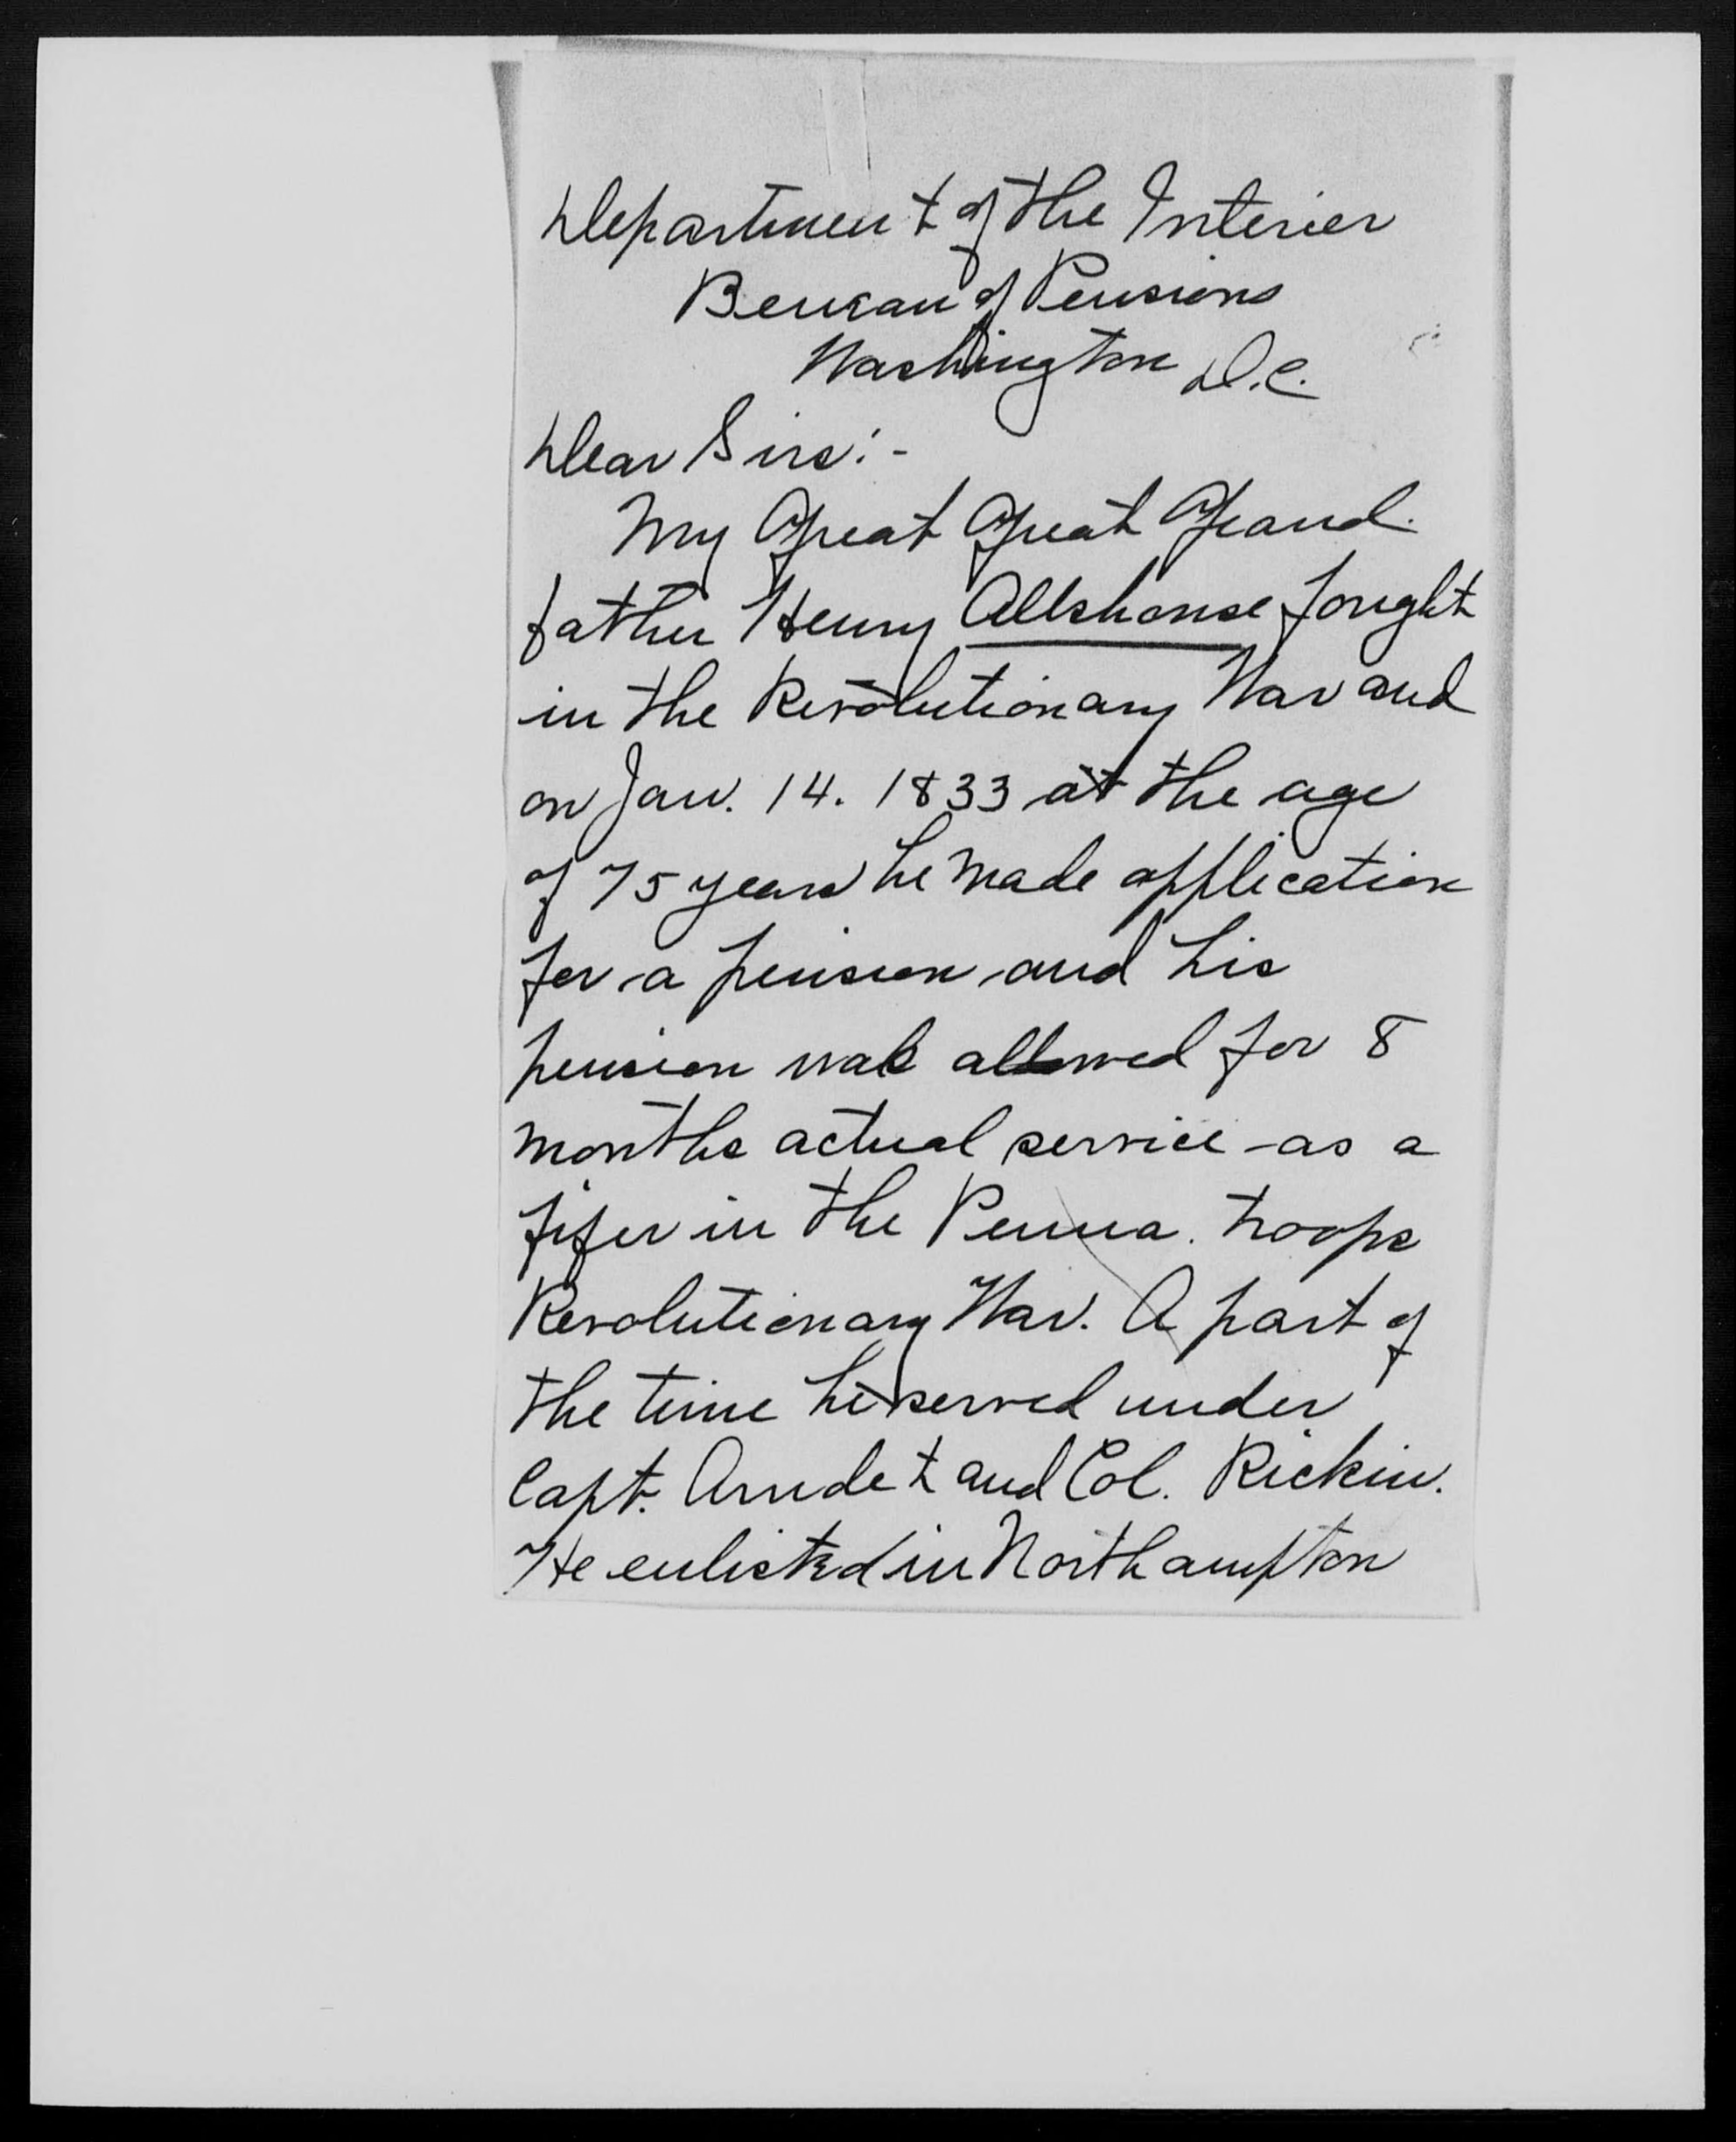Department of the Interior
Bureau of Pensions
Washington D.C.
Dear Sirs:-
My Great Great Grand
father Henry Allshouse fought in the Revolutionary War and on Jan. 14. 1833 at the age of 75 years he made application for a pension and his pension was allowed for 8 months actual service as a fifer in the Penna. troops Revolutionary War. A part of the time he served under Capt. Amdet and Col. Rickin. He enlisted in Northampton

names: Rickin, Arndet, Henry Allshouse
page: 18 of 24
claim: survivor's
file: S. 2032, Henry Allshouse, Penn.